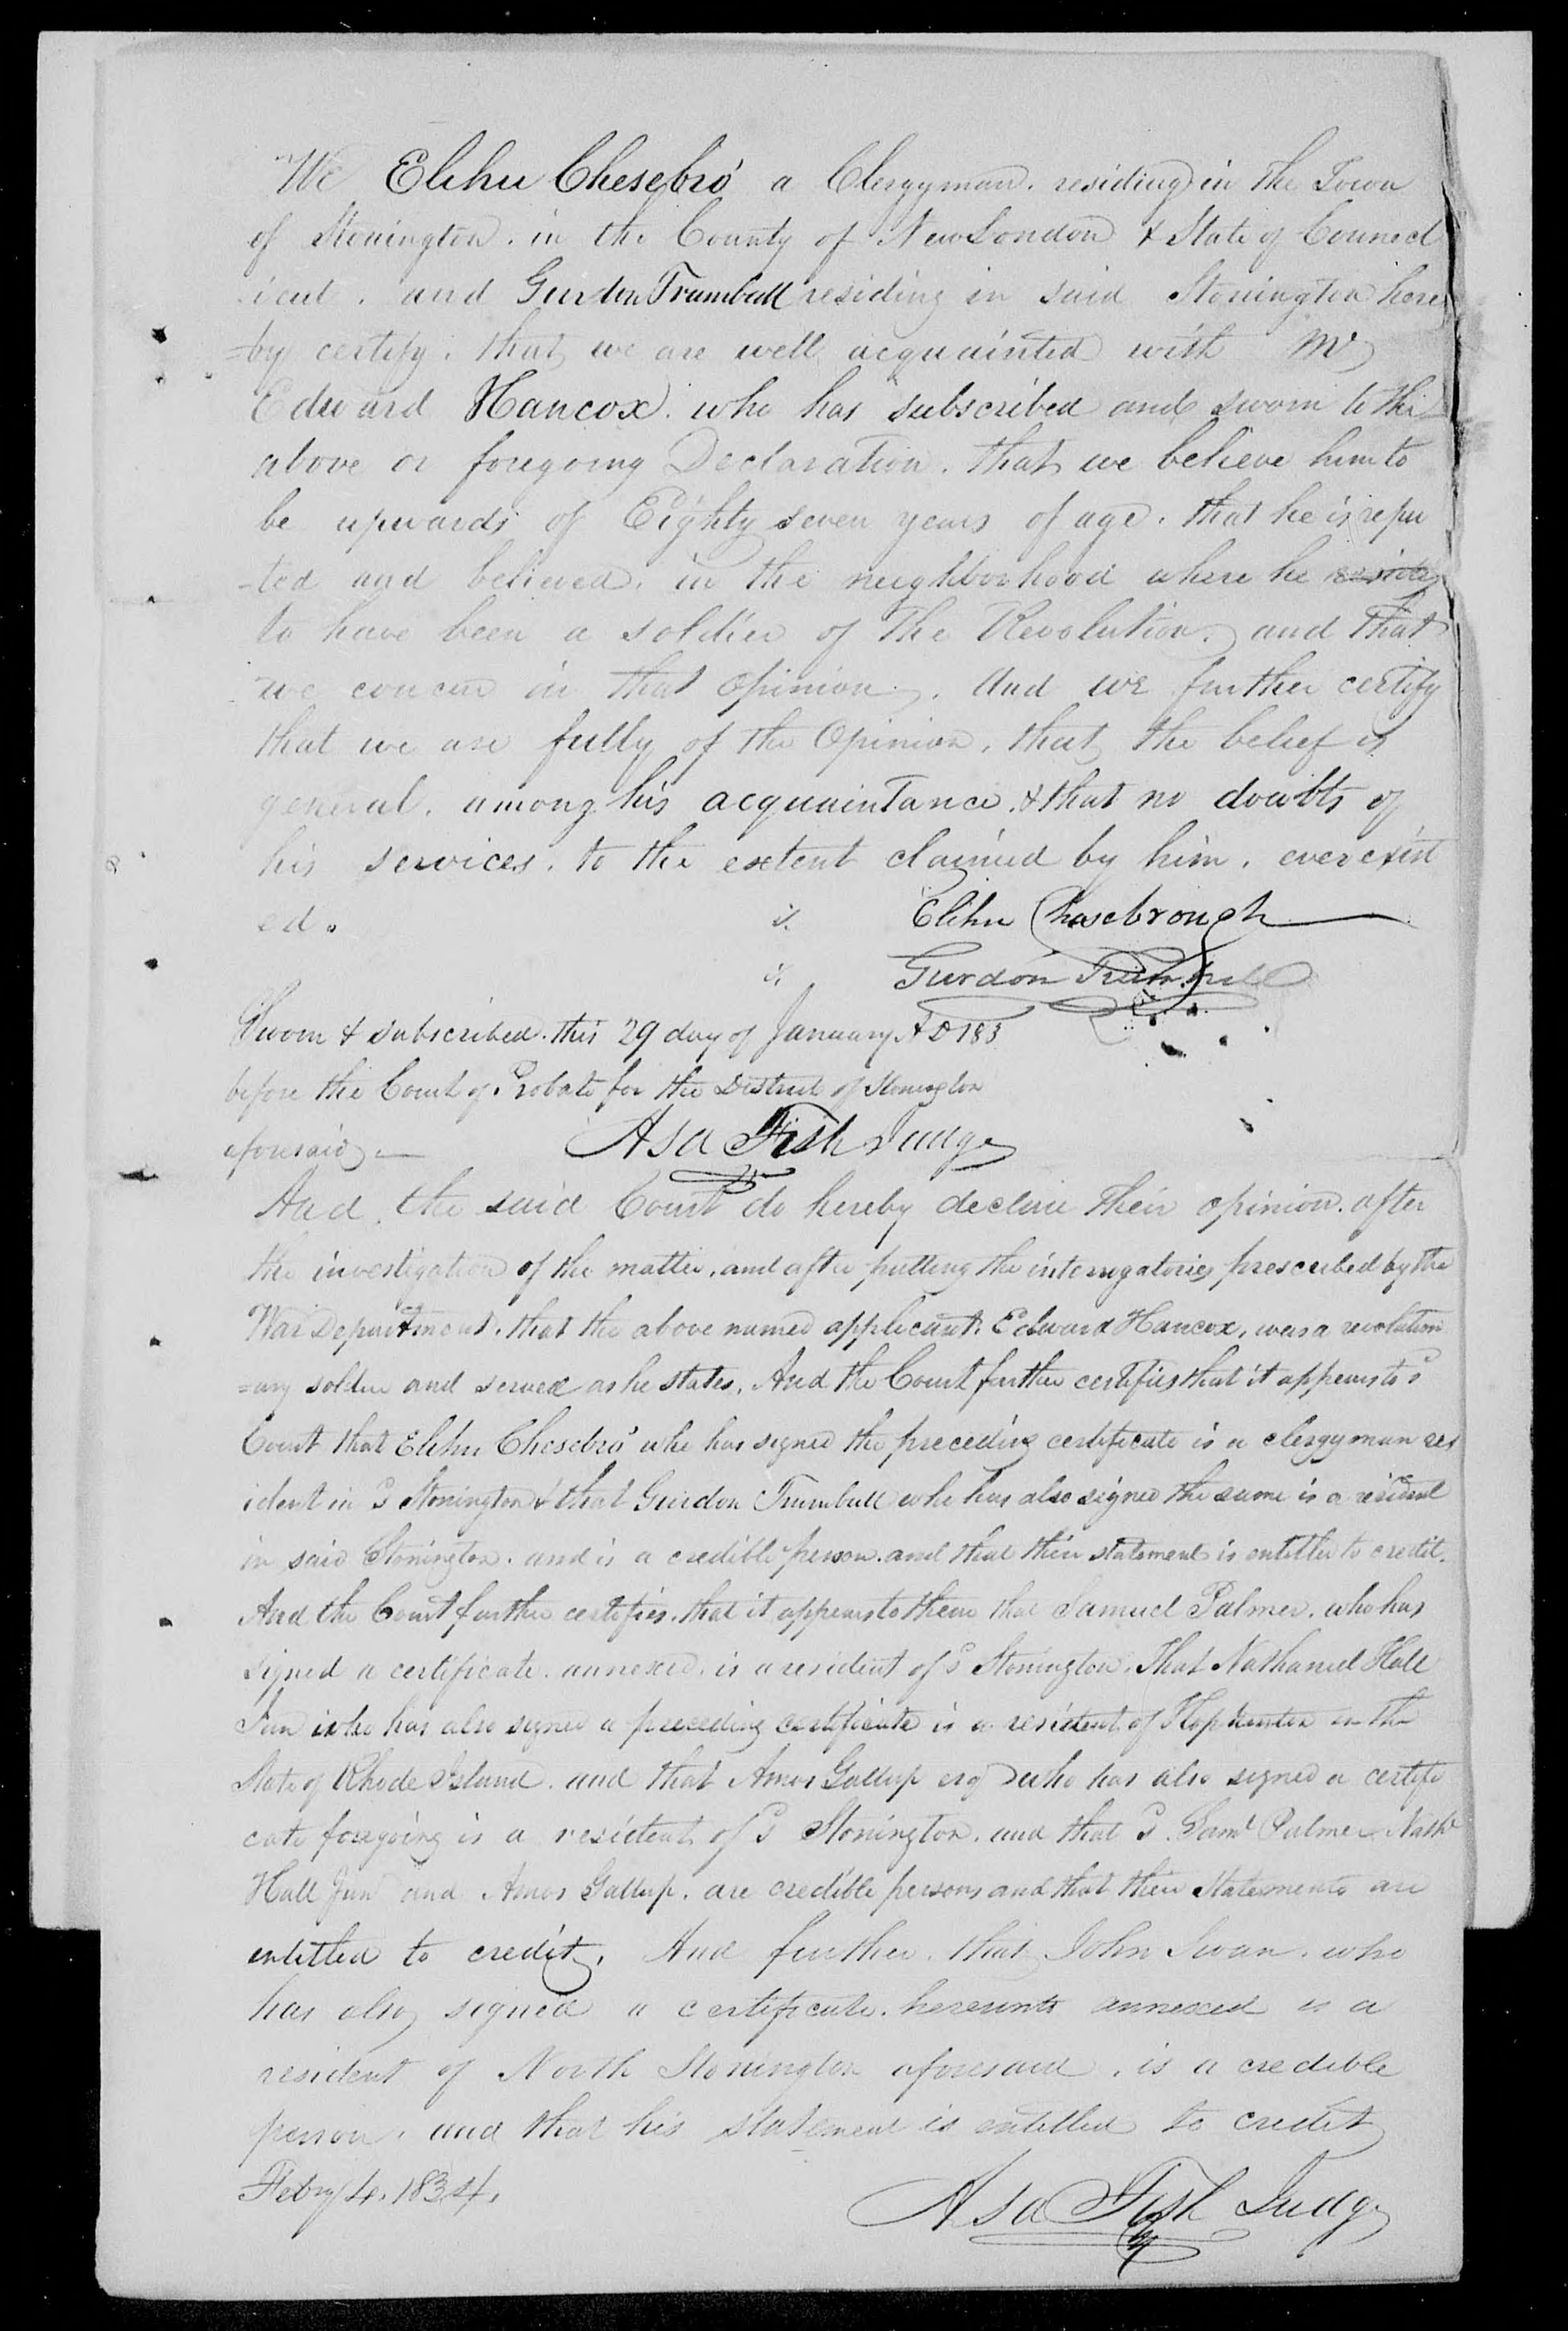We Elihu Chesebro' a Clergyman, residing in the Town of Stonington in the County of New London & State of Connecticut and Gurdon Trumball residing in said Stonington hereof
by certify, that we are well acquainted with Mr
Edward Hancox who has subscribed and sworn to the above or foregoing declaration, that we believe him to be upwards of Eighty seven years of age, that he is reputed and believed, in the neighborhood where he resides to have been a soldier of the Revolution and that
we concur in that opinion. and we further certify
that we are fully of the opinion, that the belief is
general among his acquaintance, & that no doubts of his services, to the extent claimed by him, ever existed.
Elihu Chesebrough
Gordon Trumball 

Sworn & subscribed this 29 day of January AD 1834 before the Court of Probate for the District of Stonington aforesaid -
Asa Fish Judge

And the said Court do hereby declare their opinion after the investigation of the matter, and after putting the interrogatories prescribed by the War Department, that the above named applicant, Edward Hancox, was a revolutionary soldier and served as he states. And the Court further certifies that it appears to sd.
Court that Elihu Chesebro' who has signed the preceding certificate is a clergyman
resident in Stonington & that Gurdon Trumbull who has also signed the same is a resident
in said Stonington, and is a credible person, and that their statement is entitled to credit.
And the Court further certifies, that it appears to them that Samuel Palmer, who has
Signed a certificate annexed, is a resident of sd. Stonington, That Nathaniel Hale
and who has also signed a preceeding certificate is a resident of Hopkinton in the State of Rhode Island, and that Amos Gallup Esq who has also signed a certificate foregoing is a residents of sd Stonington, and that sd. Saml Palmer Nathl.
Hale Junr and Amos Gallup, are credible persons and that then statements are entitled to credit. And further that John Swan, who
has also signed & certificate hereunto annexed is a resident of North Stonington aforesaid, is a credible person, and that his statement is entitled to credit
Febry 4, 1834,
Asa Fish Judge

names: Asa Fish, Saml Palmer, Gurdon Trumbull, Elihu Chesebrough, John Swan, Amos Gallup, Gurdon Trumbull, Edward Hancox, Asa Fish, Amos Gallup, Nathaniel Hall, Edward Hancox, Samuel Palmer, Gurdon Trumbull, Elihu Chesebro, Elihu Chesebro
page: 9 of 26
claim: survivor's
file: S. 16843, Edward Hancox, Conn.